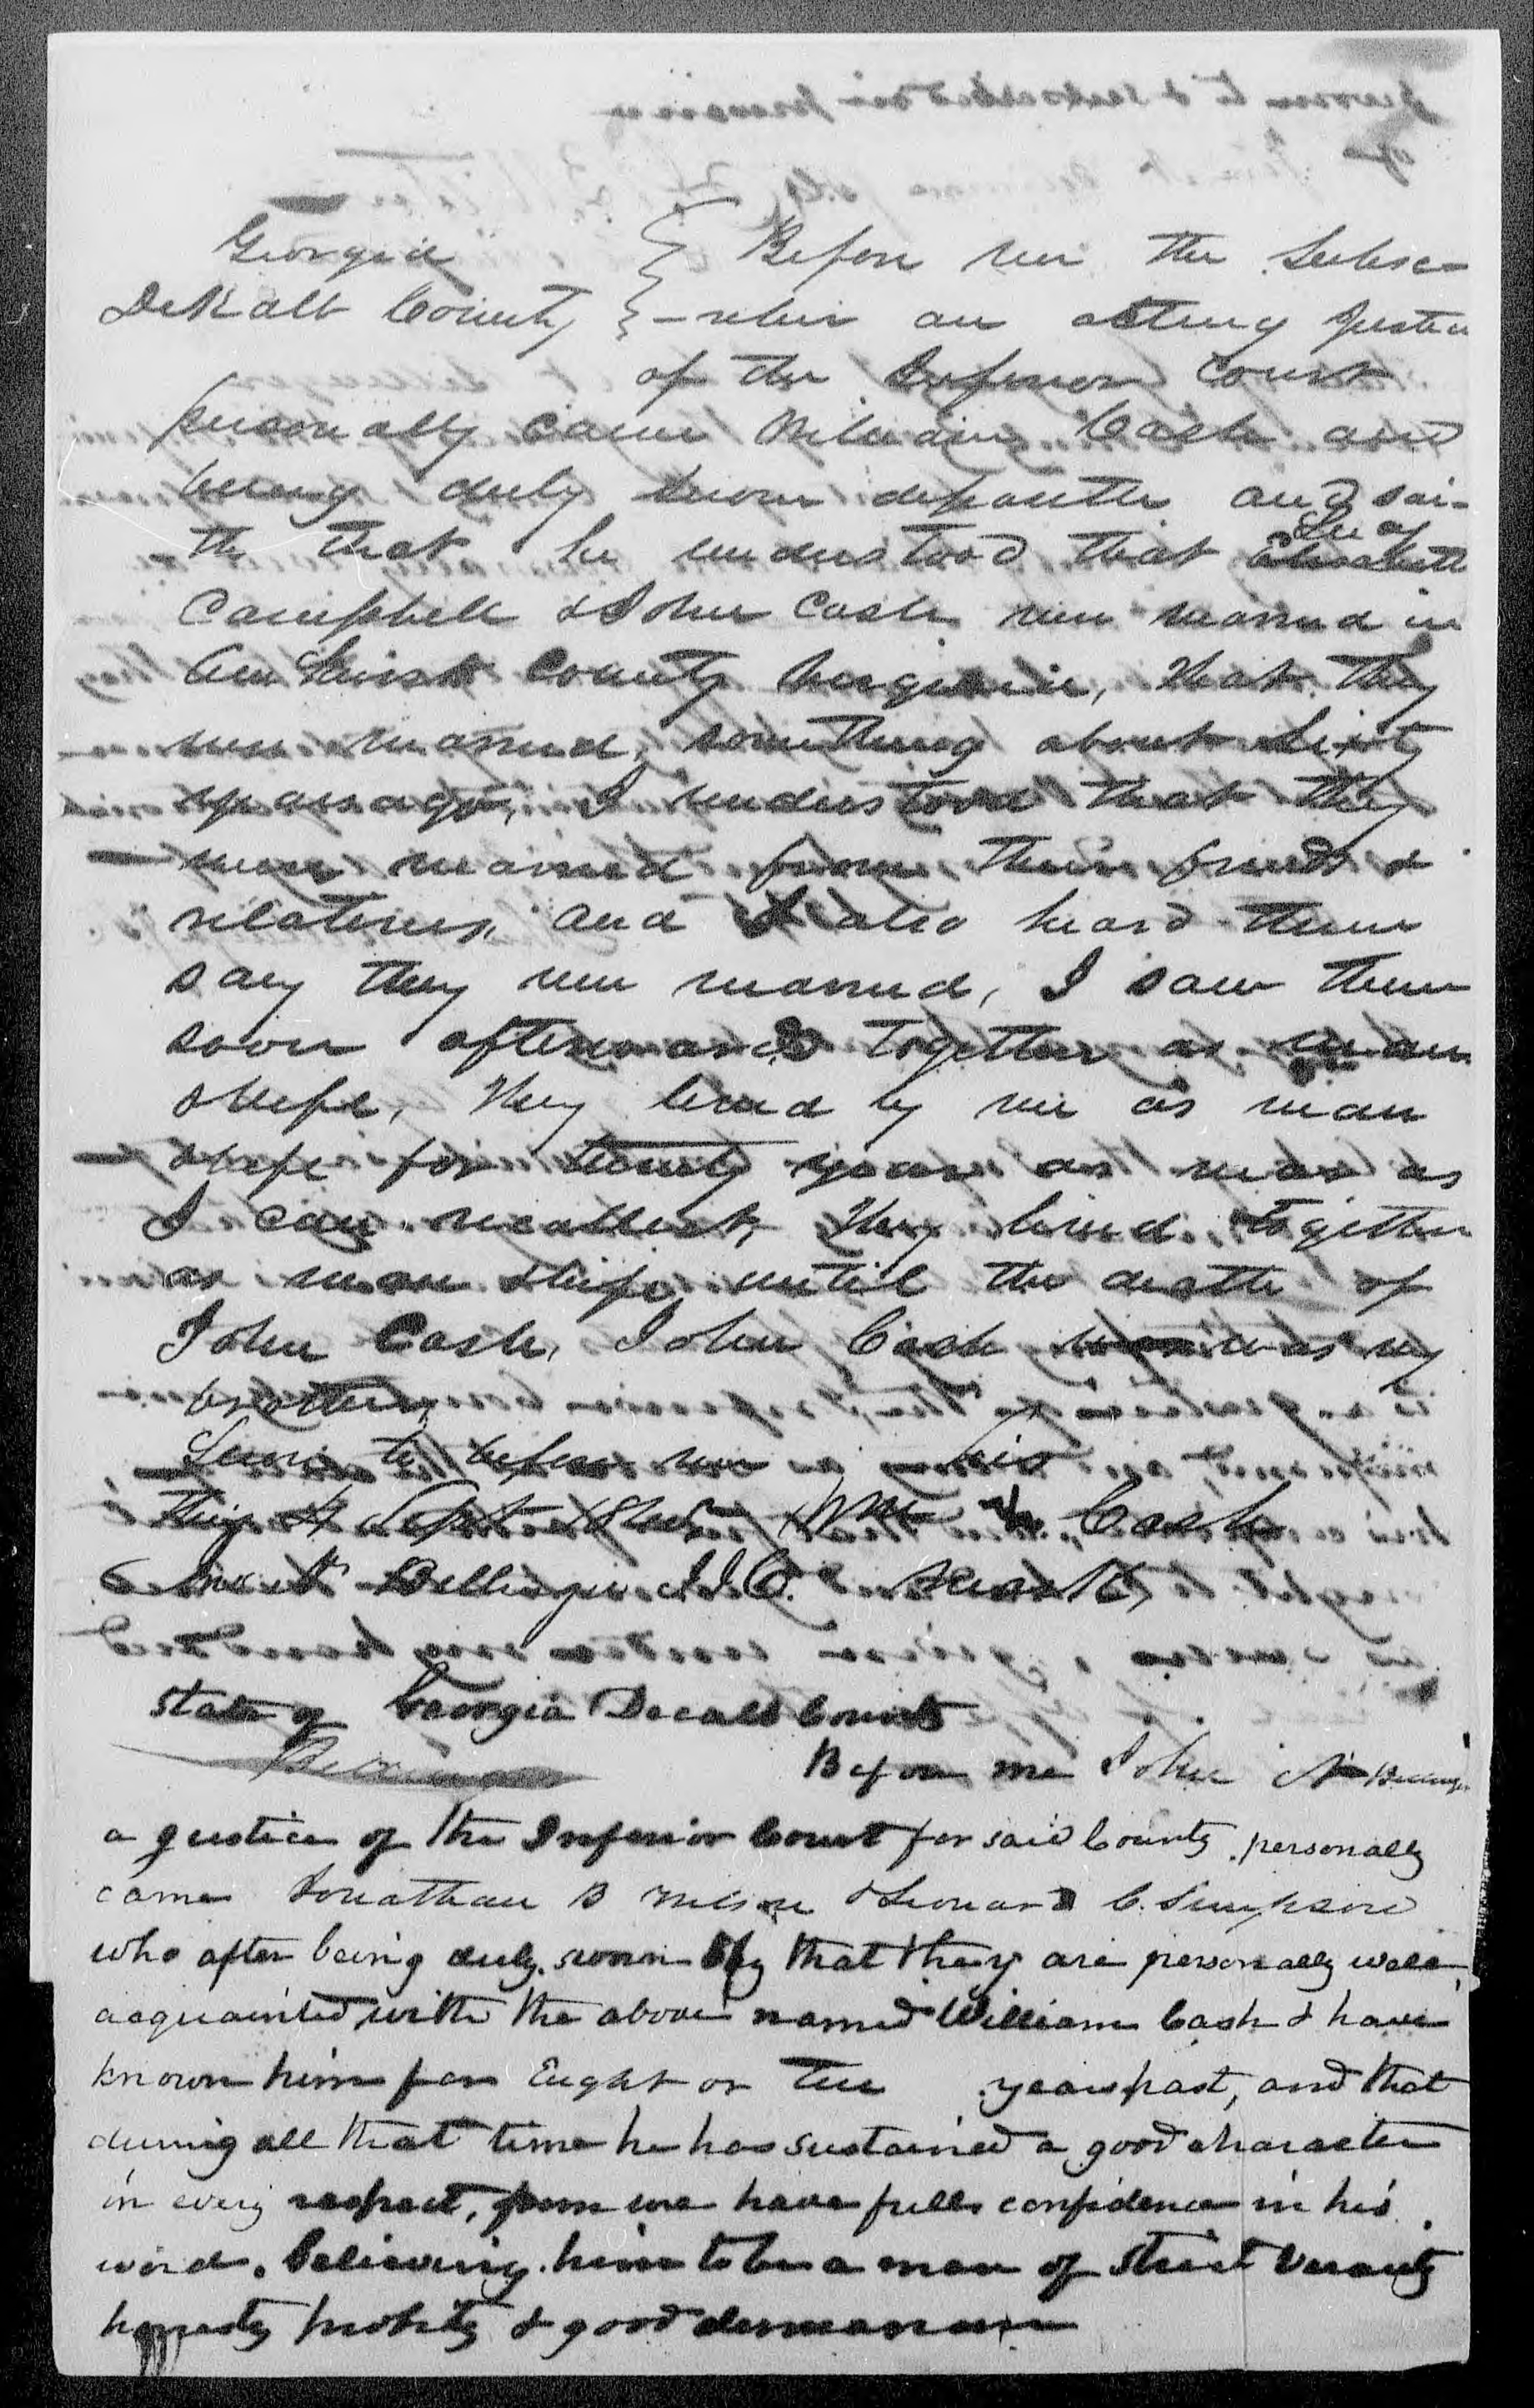Georgia
DeKalb County
Before me the _____ an acting Justice
of the Superior Court personally came Willaim Cash and being duly sworn deposeth and said the that he understood that Mary Campbell & John Cash in married in Amherst County
 Virginia, that they were married about sixty-five years ago, and heard this from their friends and relatives and I also heard them say they were married.
 I saw them soon afterwards together as
husband and wife they lived by me as I
can recollect. they lived together
wife until the death of John Cash,
Bellis Clark JPC

State of Georgia 
Before me John N Bellinger,
Justice of the Inferior Court for said County, personally appeared 
Jonathan B Wilson & Leonard C. Simpson who after being duly sworn by that they are personally well
acquainted with the above-named William Cash & have known him for eight or ten years past, and that
in all that time he has sustained a good character every respect, from we have full confidence in his words, and believing him to be a man of strict veracity, honesty, piety and good demeanor.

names: Leonard C Simpson, Jonathan B Wilson, William Cash, John Cash, Jno N Bellinger, John Cash, Wm Cash, Lucy Campbell, John Cash, John N Bellinger, William Cash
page: 48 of 73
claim: widow's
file: W. 5,894, John Cash, Va.